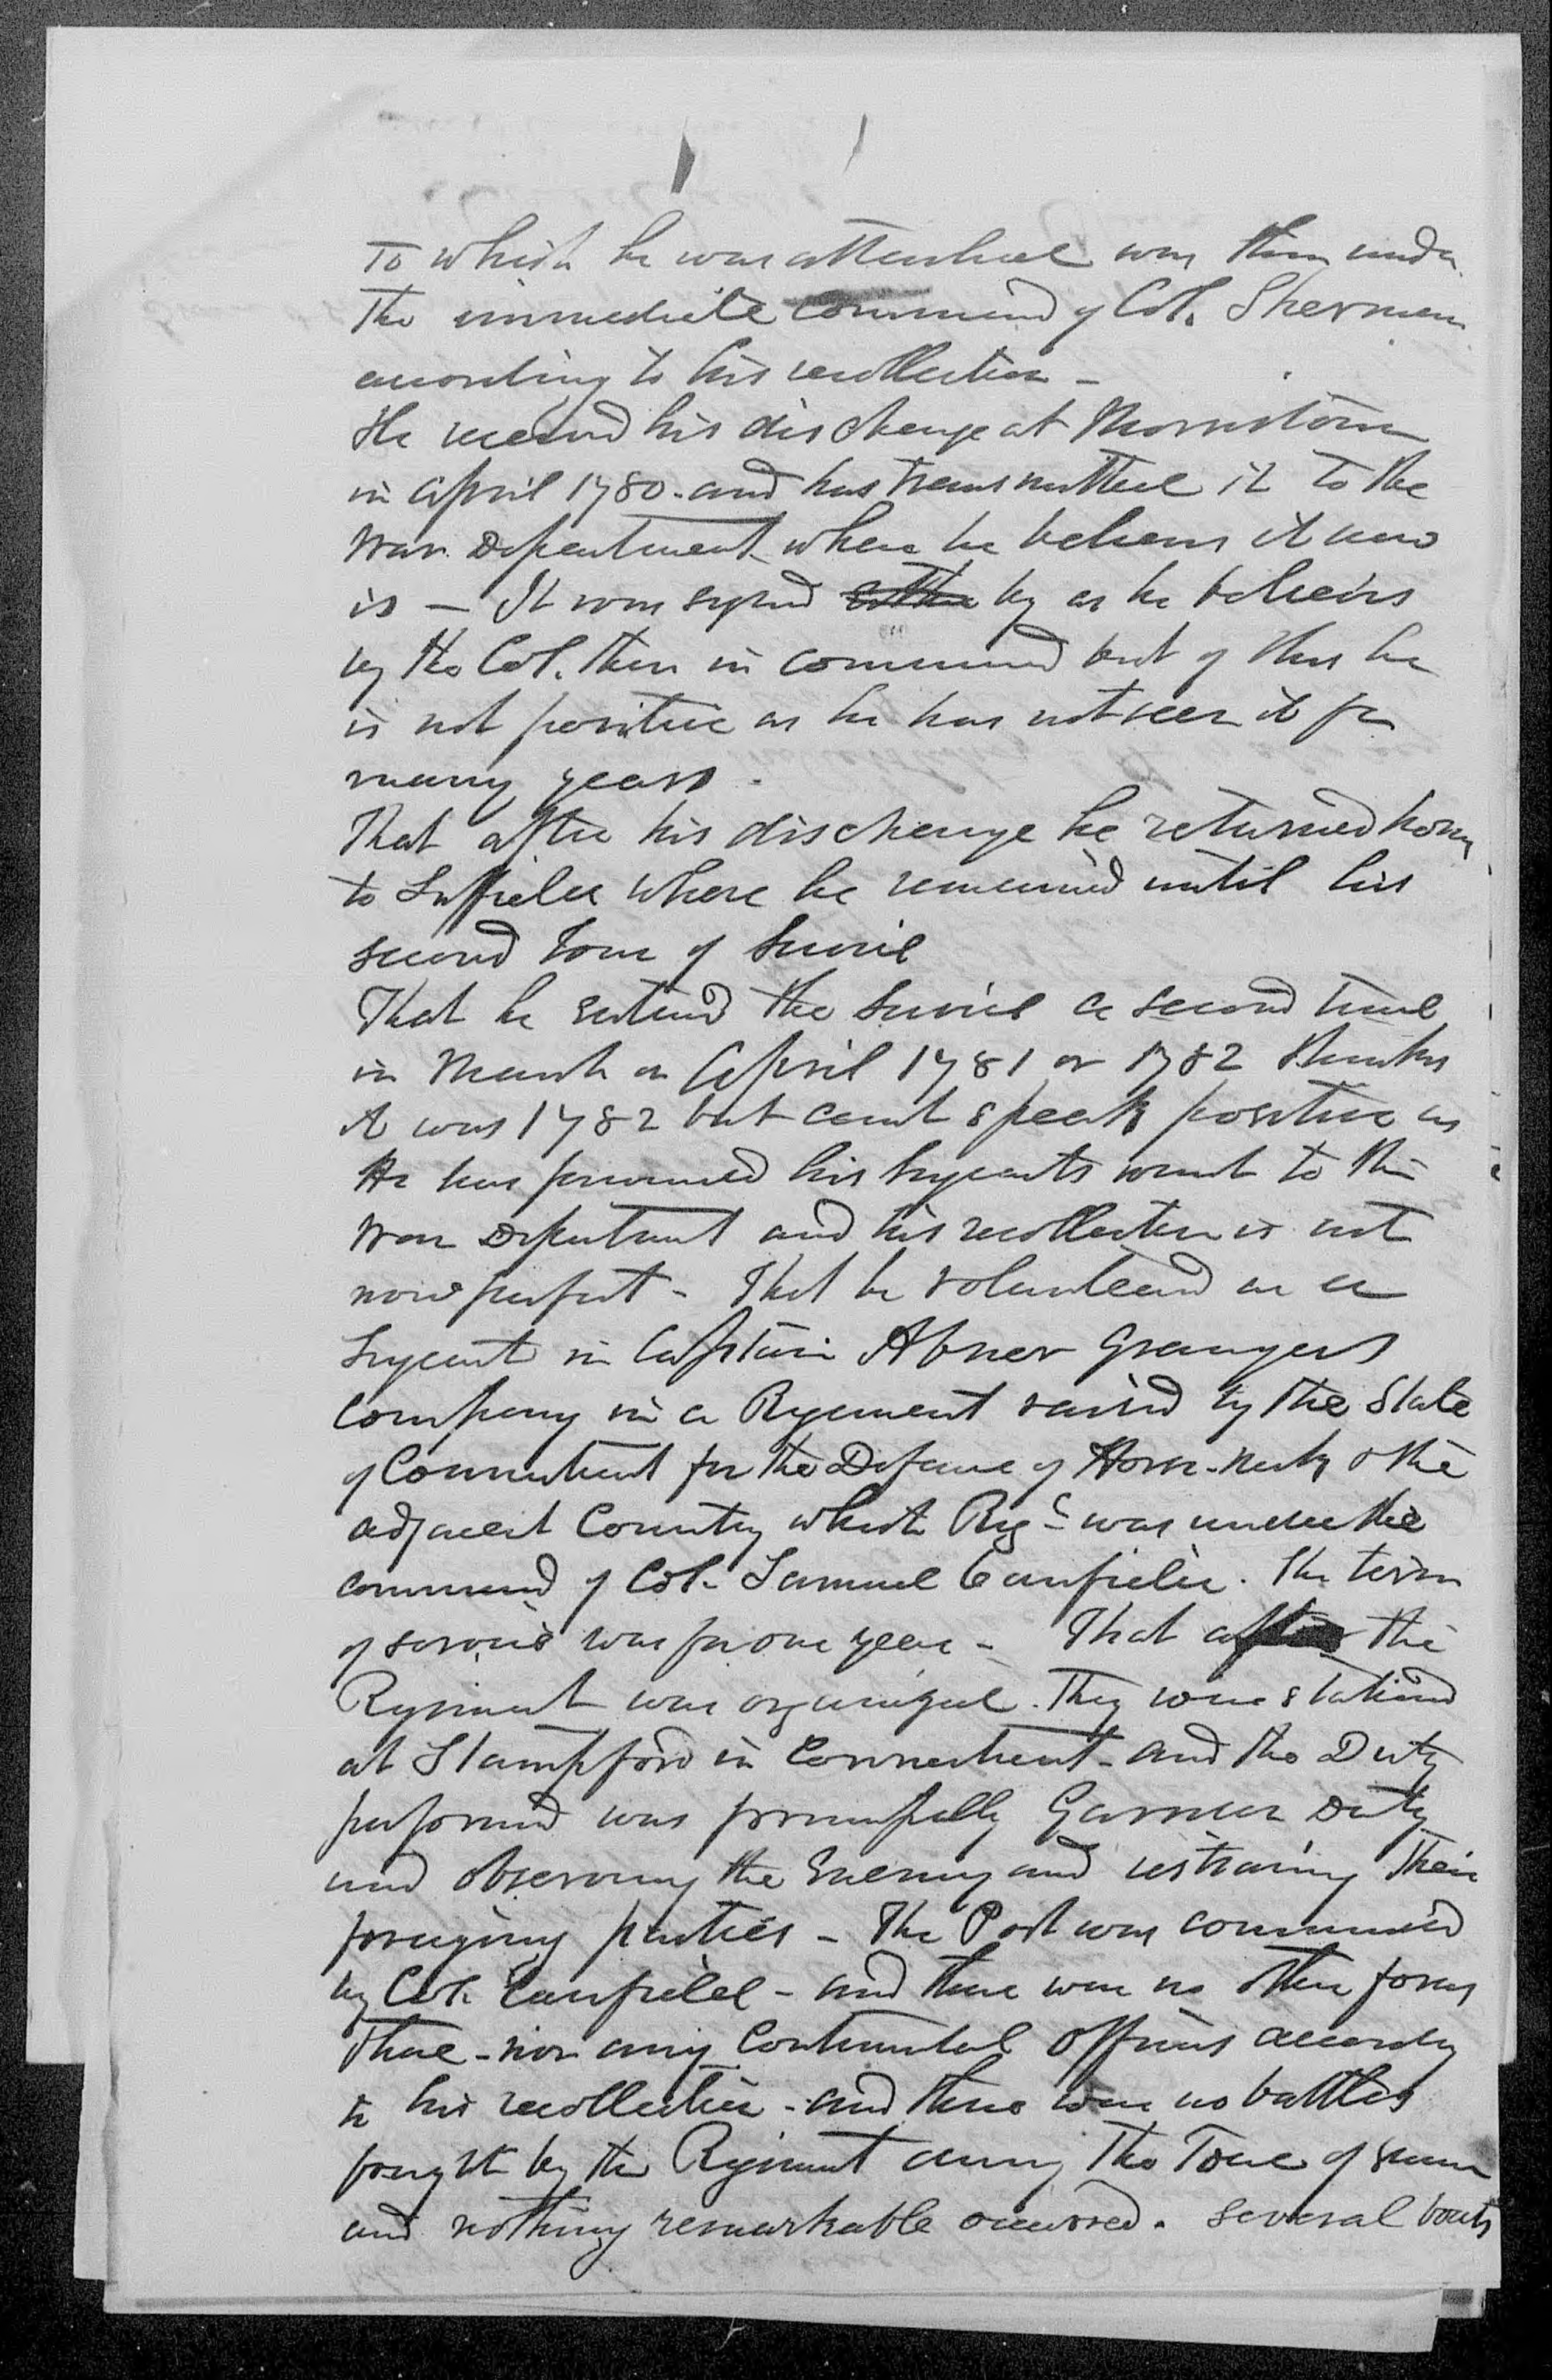which he was attached was then under the immediate command of Col. Sherman according to his collection – 
He received his discharge at Morristown in April 1780 and has transmitted it to the War Department where he believes it now is - It was signed by as he believes by his Col then in command but of that he is not positive as he has not seen it for many years. 
That after his discharge he returned home to Suffield where he remained until his second tour of Service.  
That he entered the served a second time in March or April 1781 or 1782 – Remembers it was 1782 but cannot speak positive as He has provided his [unreadable] went to the War Department and his recollection is not now perfect. That he volunteered as a Sergeant in Captain Abner Grangers company in a Regiment raised by the State of Connecticut for the Defense of Horseneck & the adjacent County which Regt was under the command of Col Samuel Canfield. The term of service was for one year.   That after the Regiment was organized They were stationed at Stamford in Connecticut and the Duty performed was principally Guarding Duty and observing the enemy and restraining their forging parties. The port was commanded  by Col Canfield, and there were no other forces There nor any Continental officers accord to his recollection and there were no battles fought by the Regiment during  the Tour of Service and nothing remarkable occurred, several boats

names: Canfield, Samuel Canfield, Shermen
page: 8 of 51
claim: widow's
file: W. 1698, Oliver Barker, Conn.